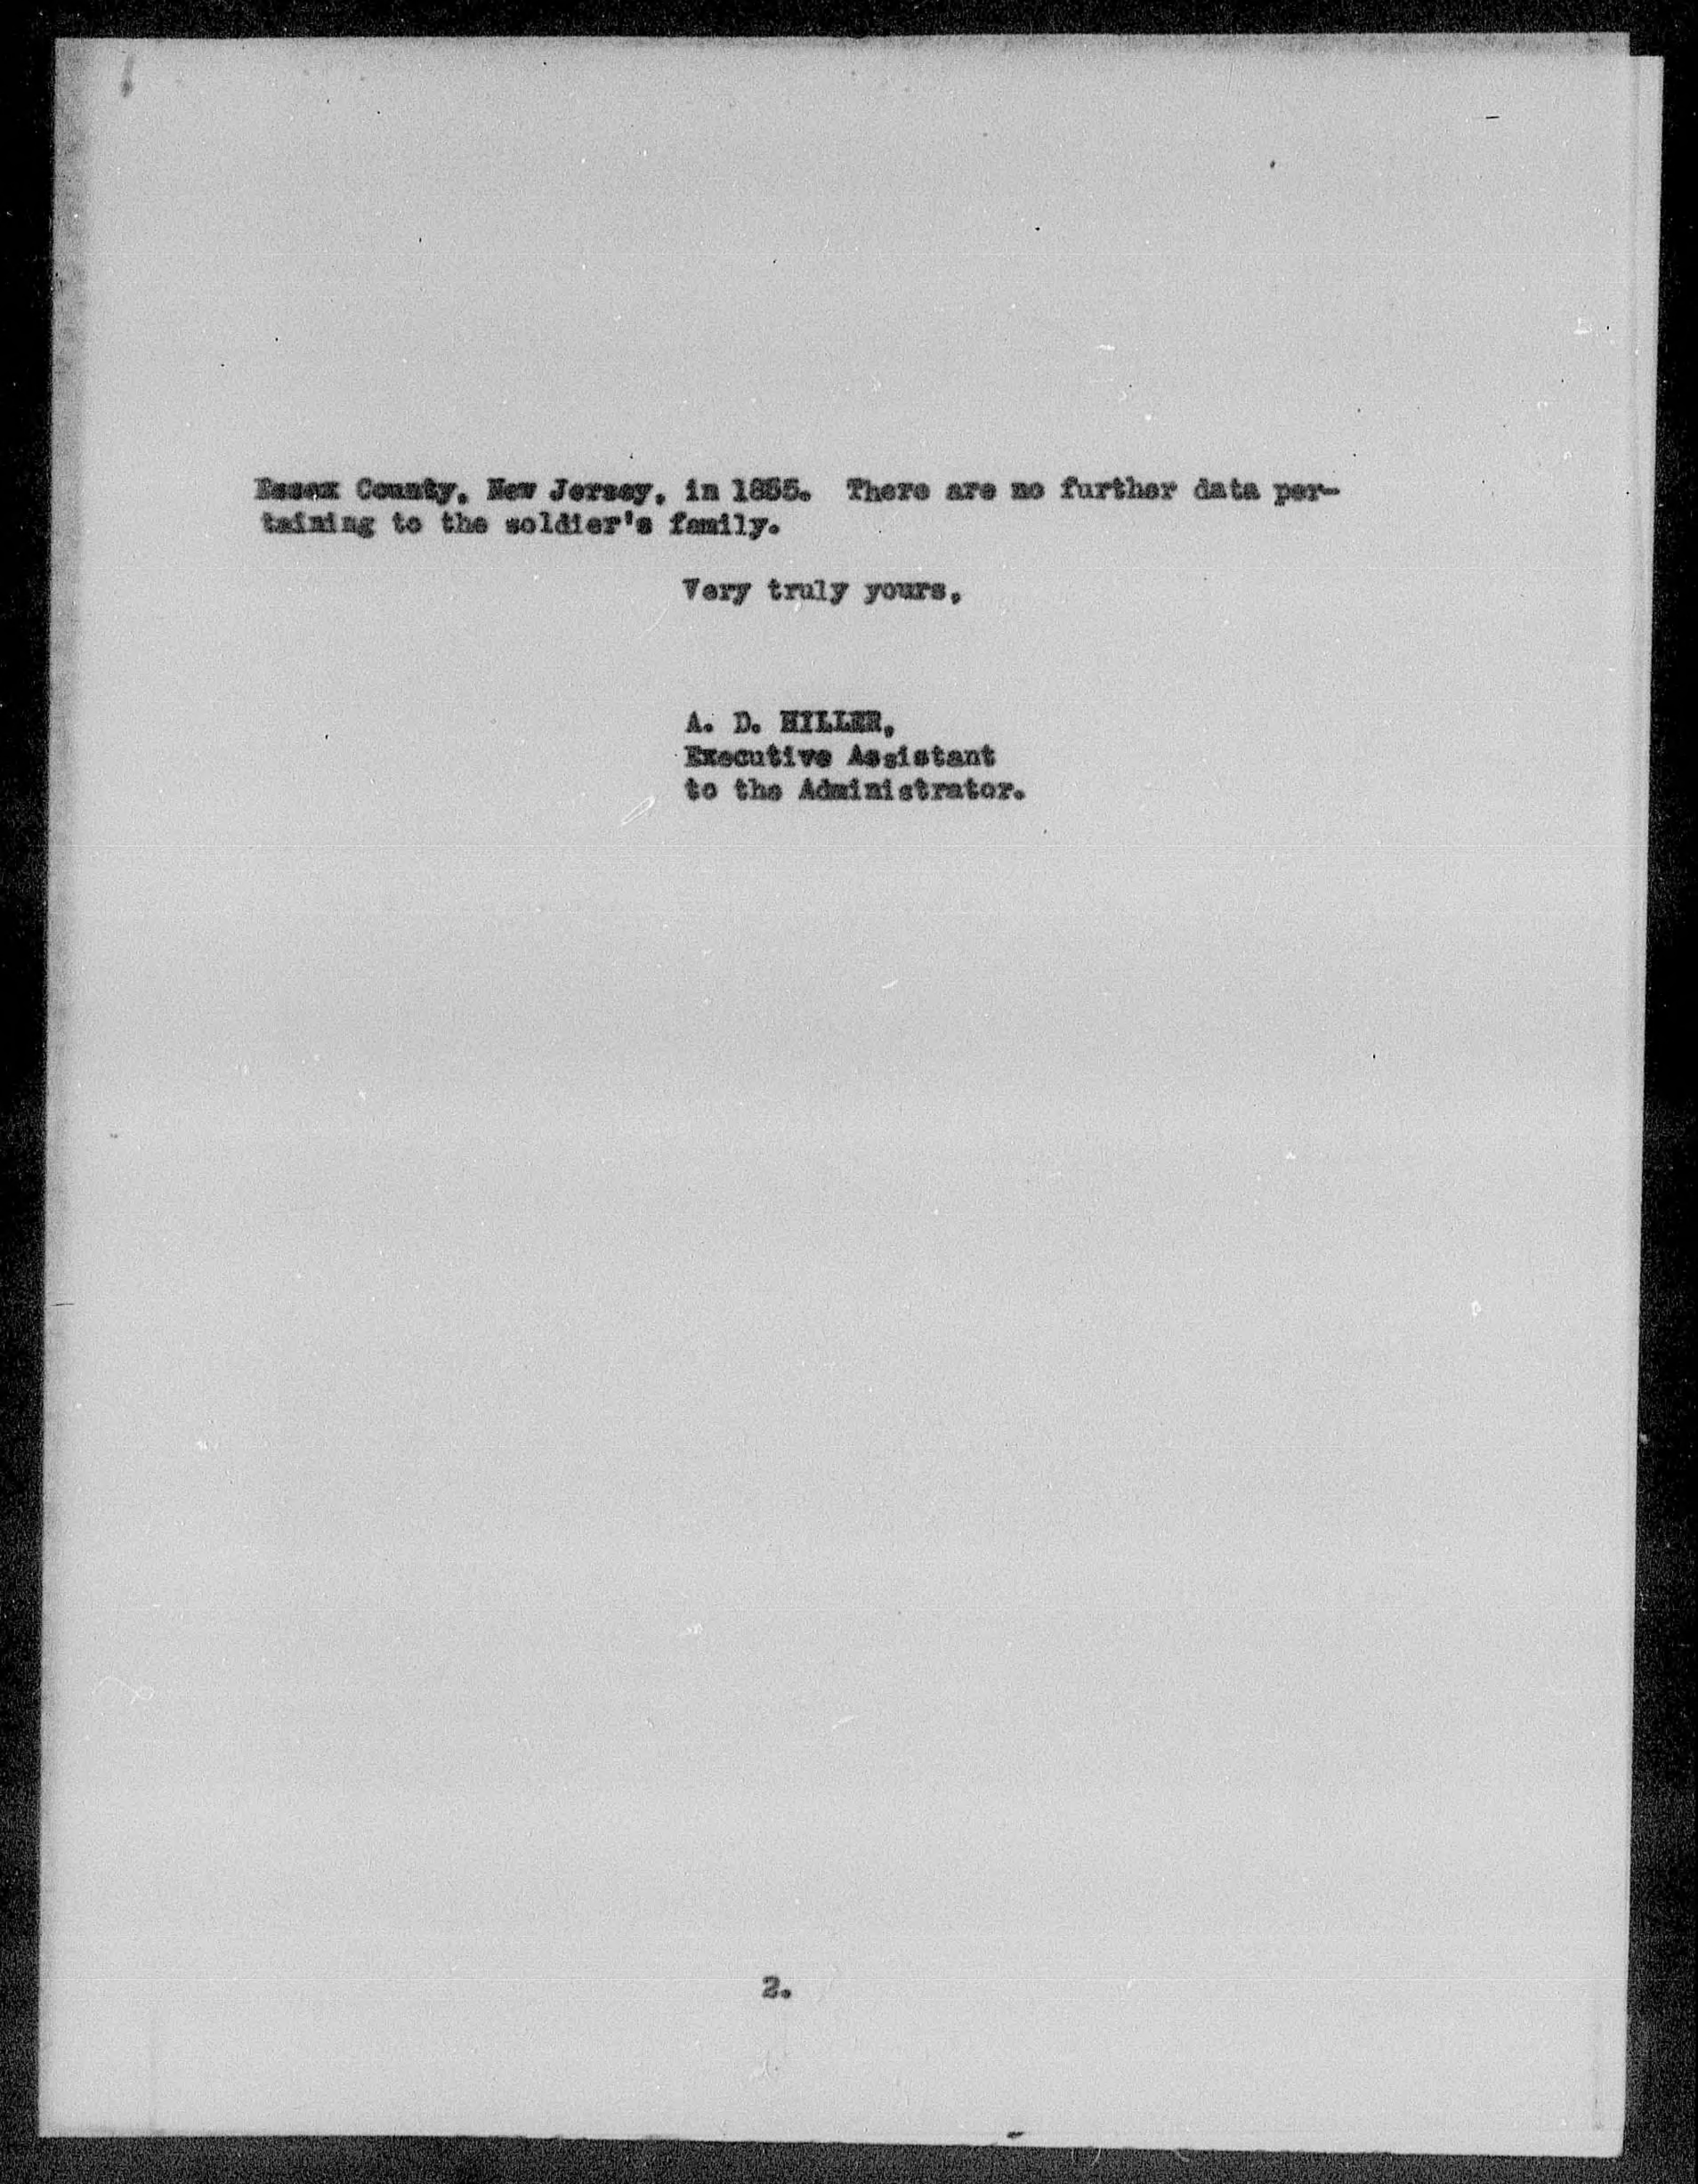Essex County, New Jersey, in 1865.  Thre are no further data per -

taining to the soldier's family.

                                                                      Very truly,


                                                                       A. D. HILLER
                                                                      Executive Assistant
                                                                      to the Administrator.











                                                                                        2.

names: A D Hiller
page: 12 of 32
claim: rejected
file: R. 2441, Aaron Crane, New Jersey